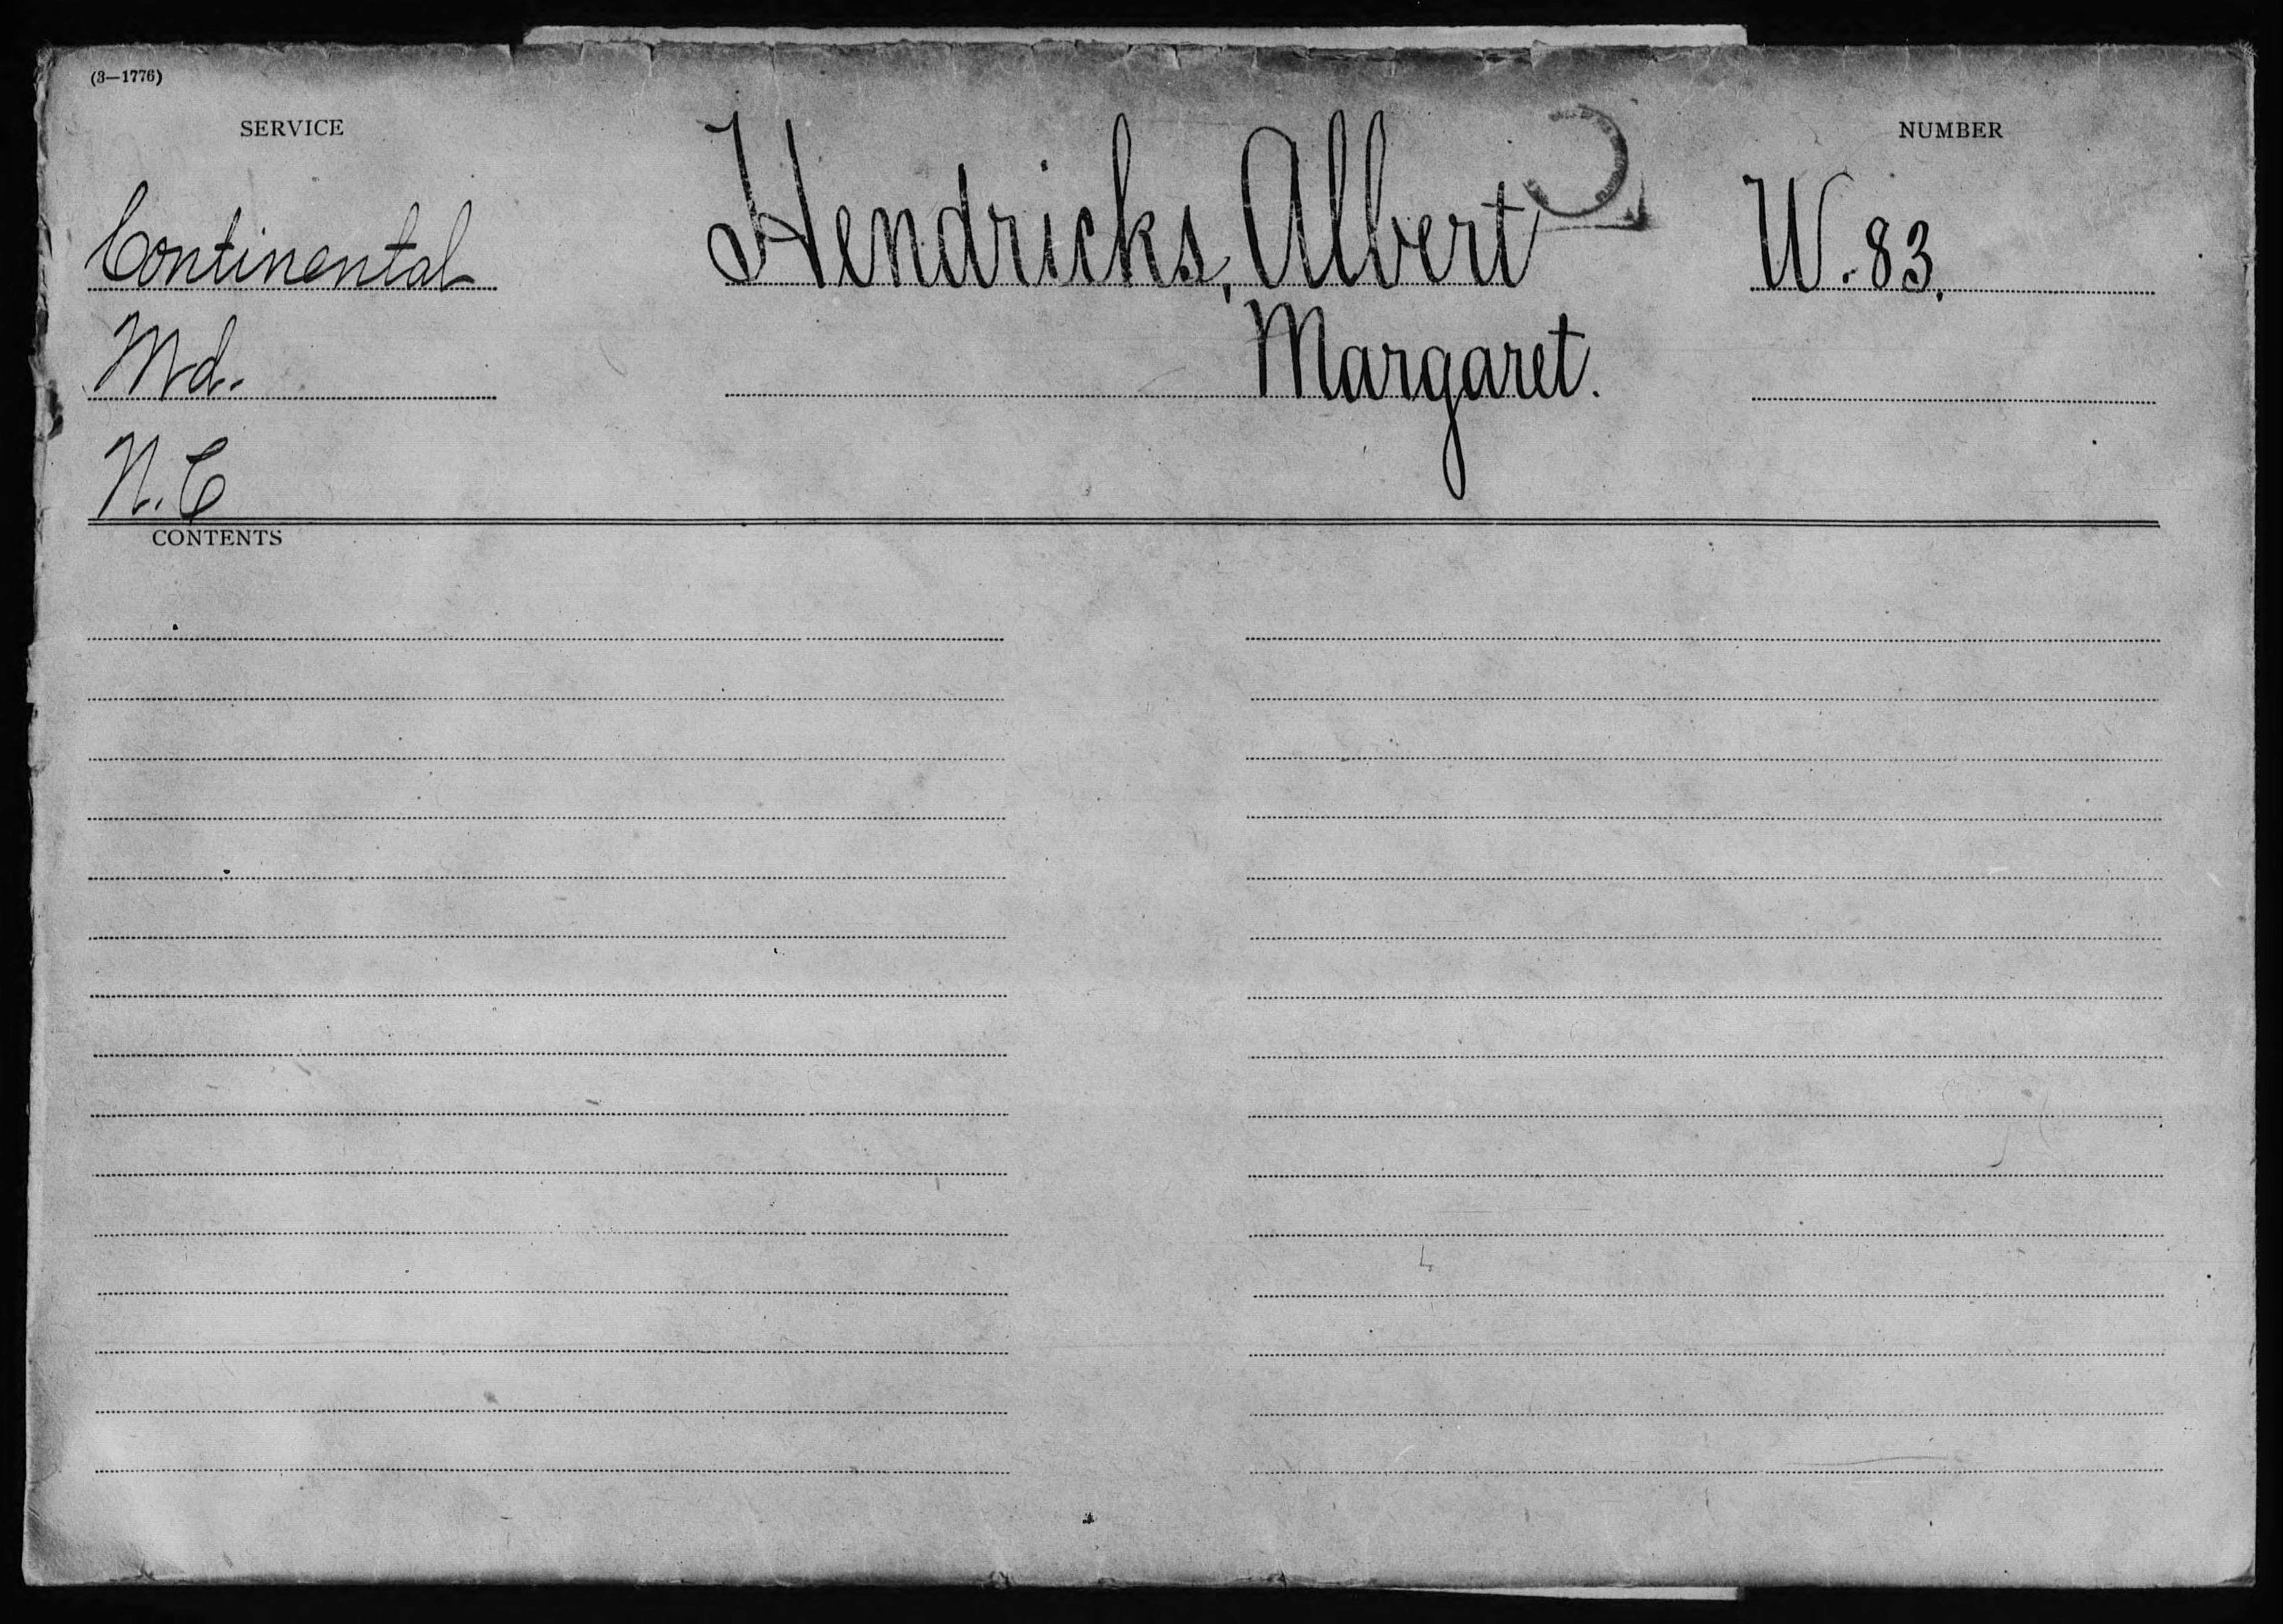( 3-1776) 
Service         Hendricks, Albert          Number 
Continental              Margaret         W.83. 
MD. 
N.C 
Contents ------------------------------------------------------------------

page: 1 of 76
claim: widow's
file: W. 83, Albert Hendricks, Continental Md. N.C.